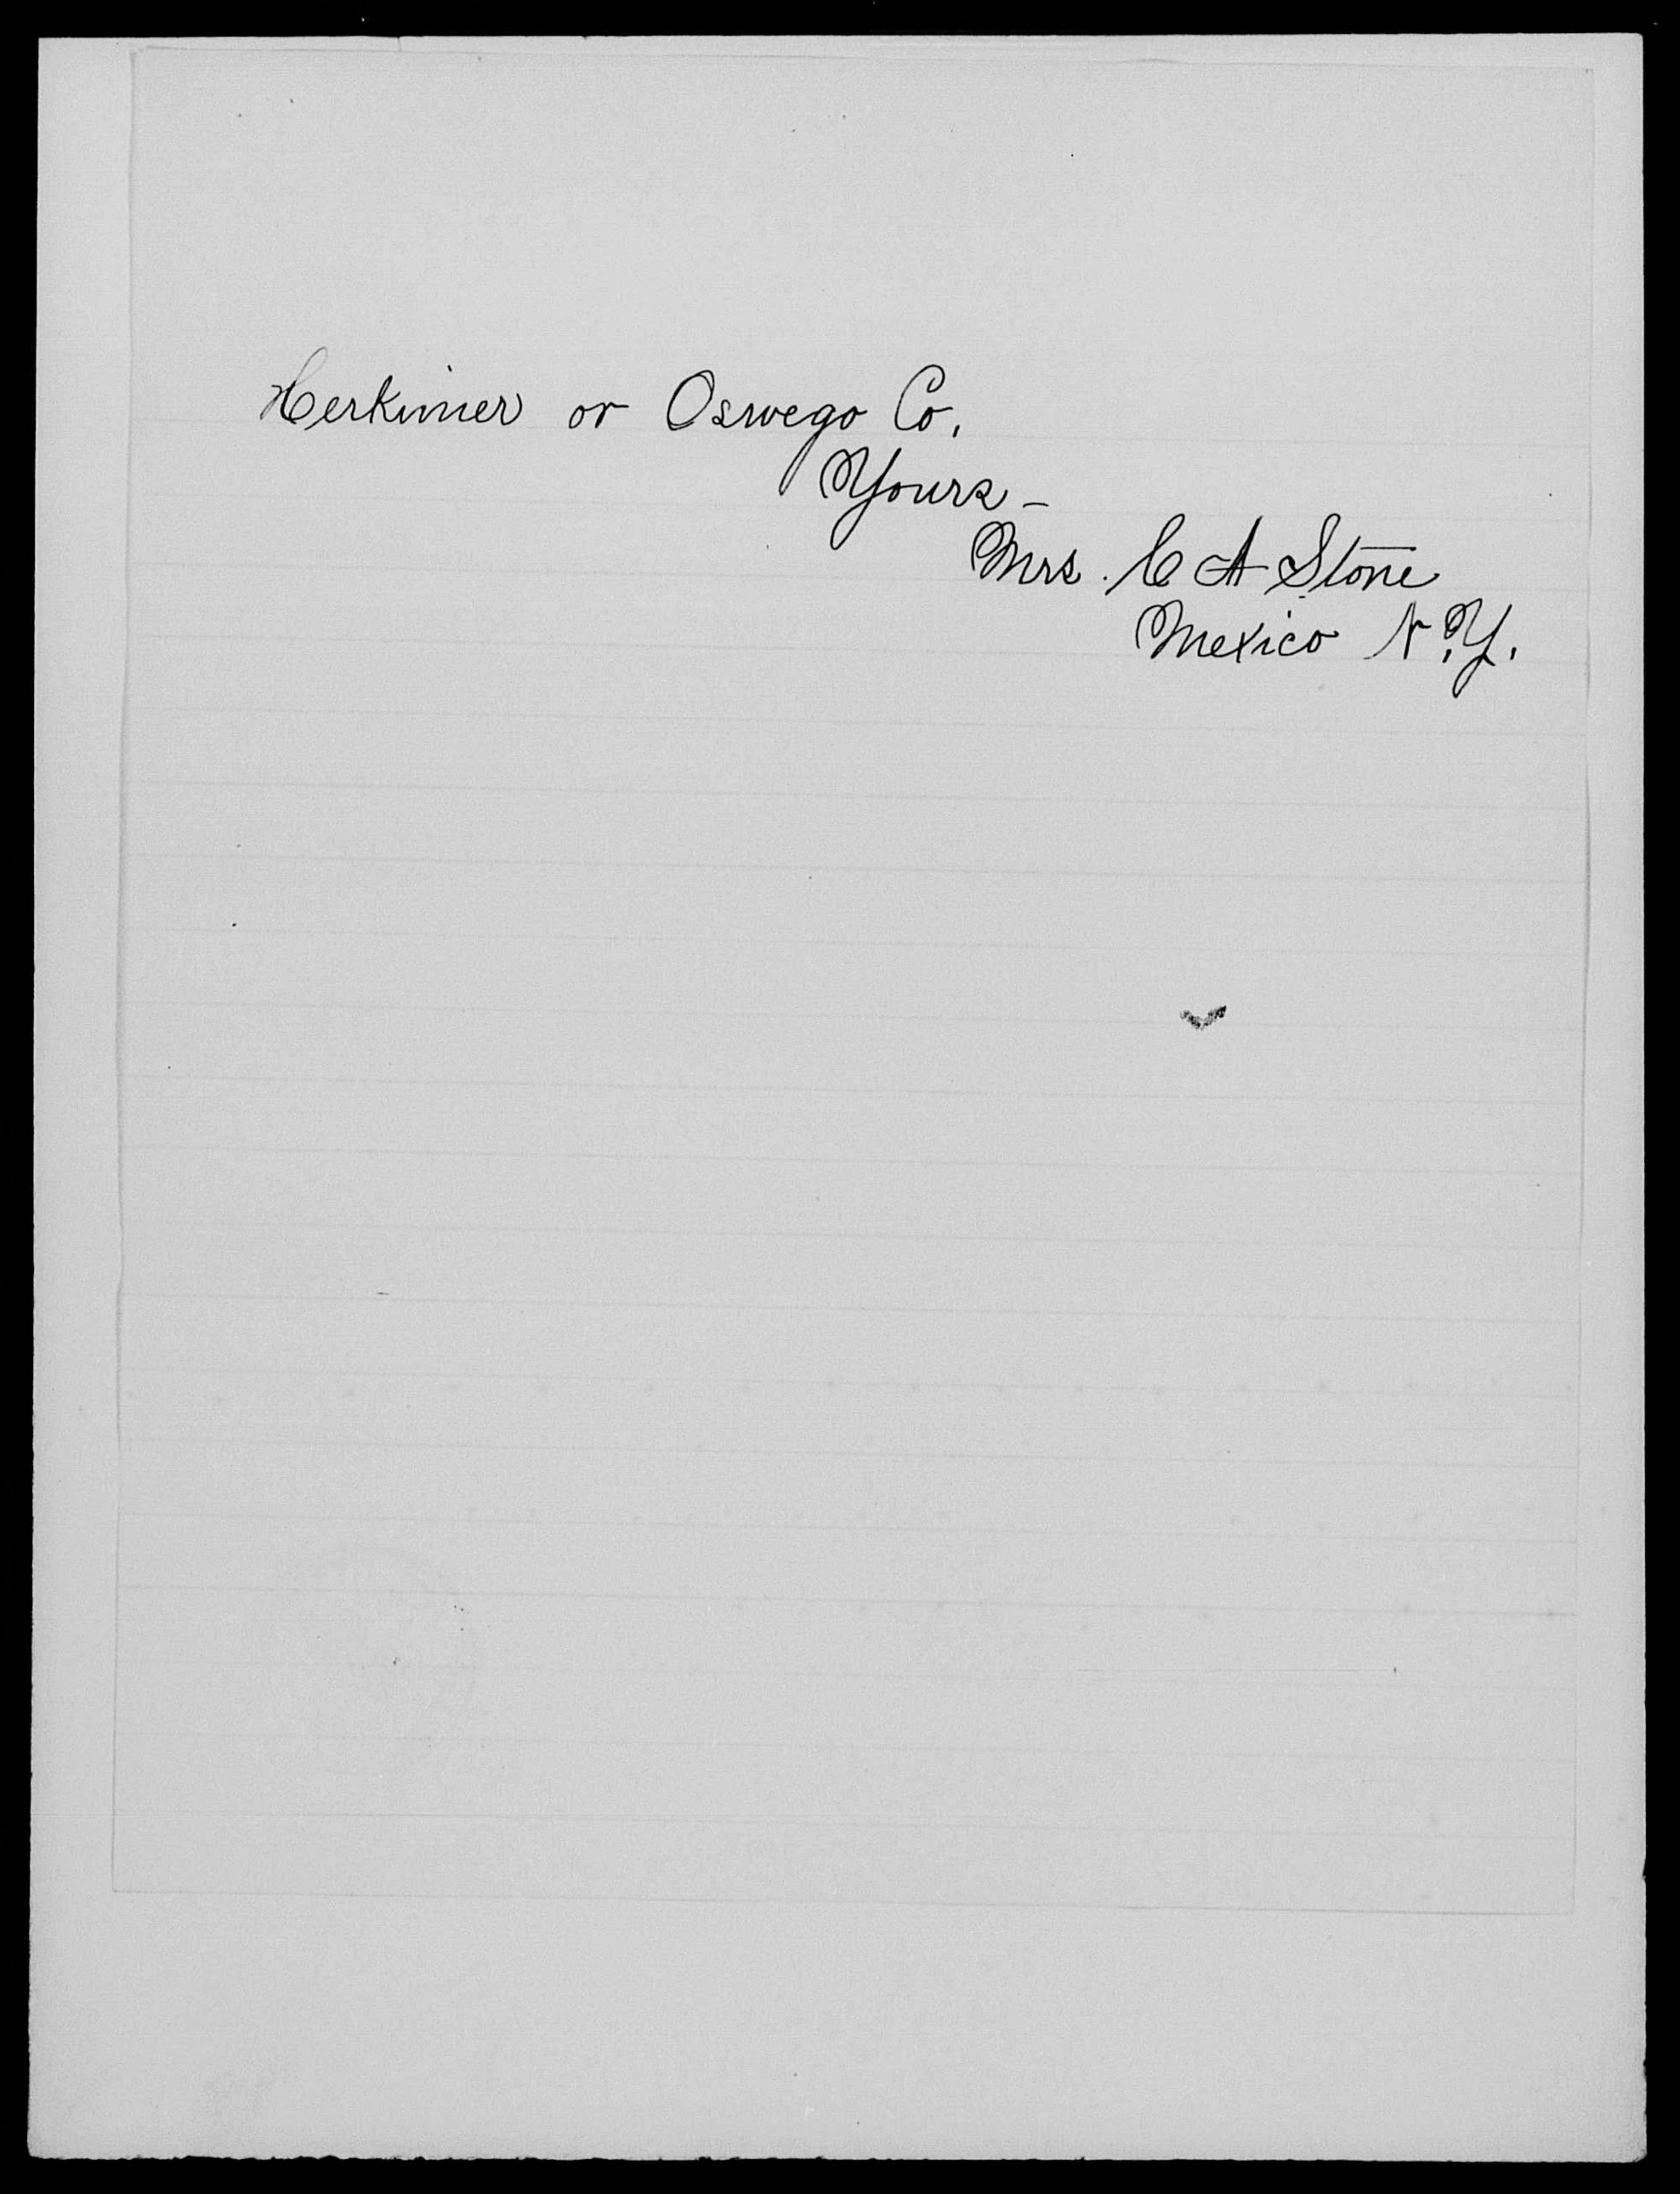Herkimer or Oswego Co.
Yours-
Mrs. E A Stone
Mexico N Y.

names: C A Stone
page: 36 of 36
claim: widow's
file: W 20995, Gerrit Dubois, New York